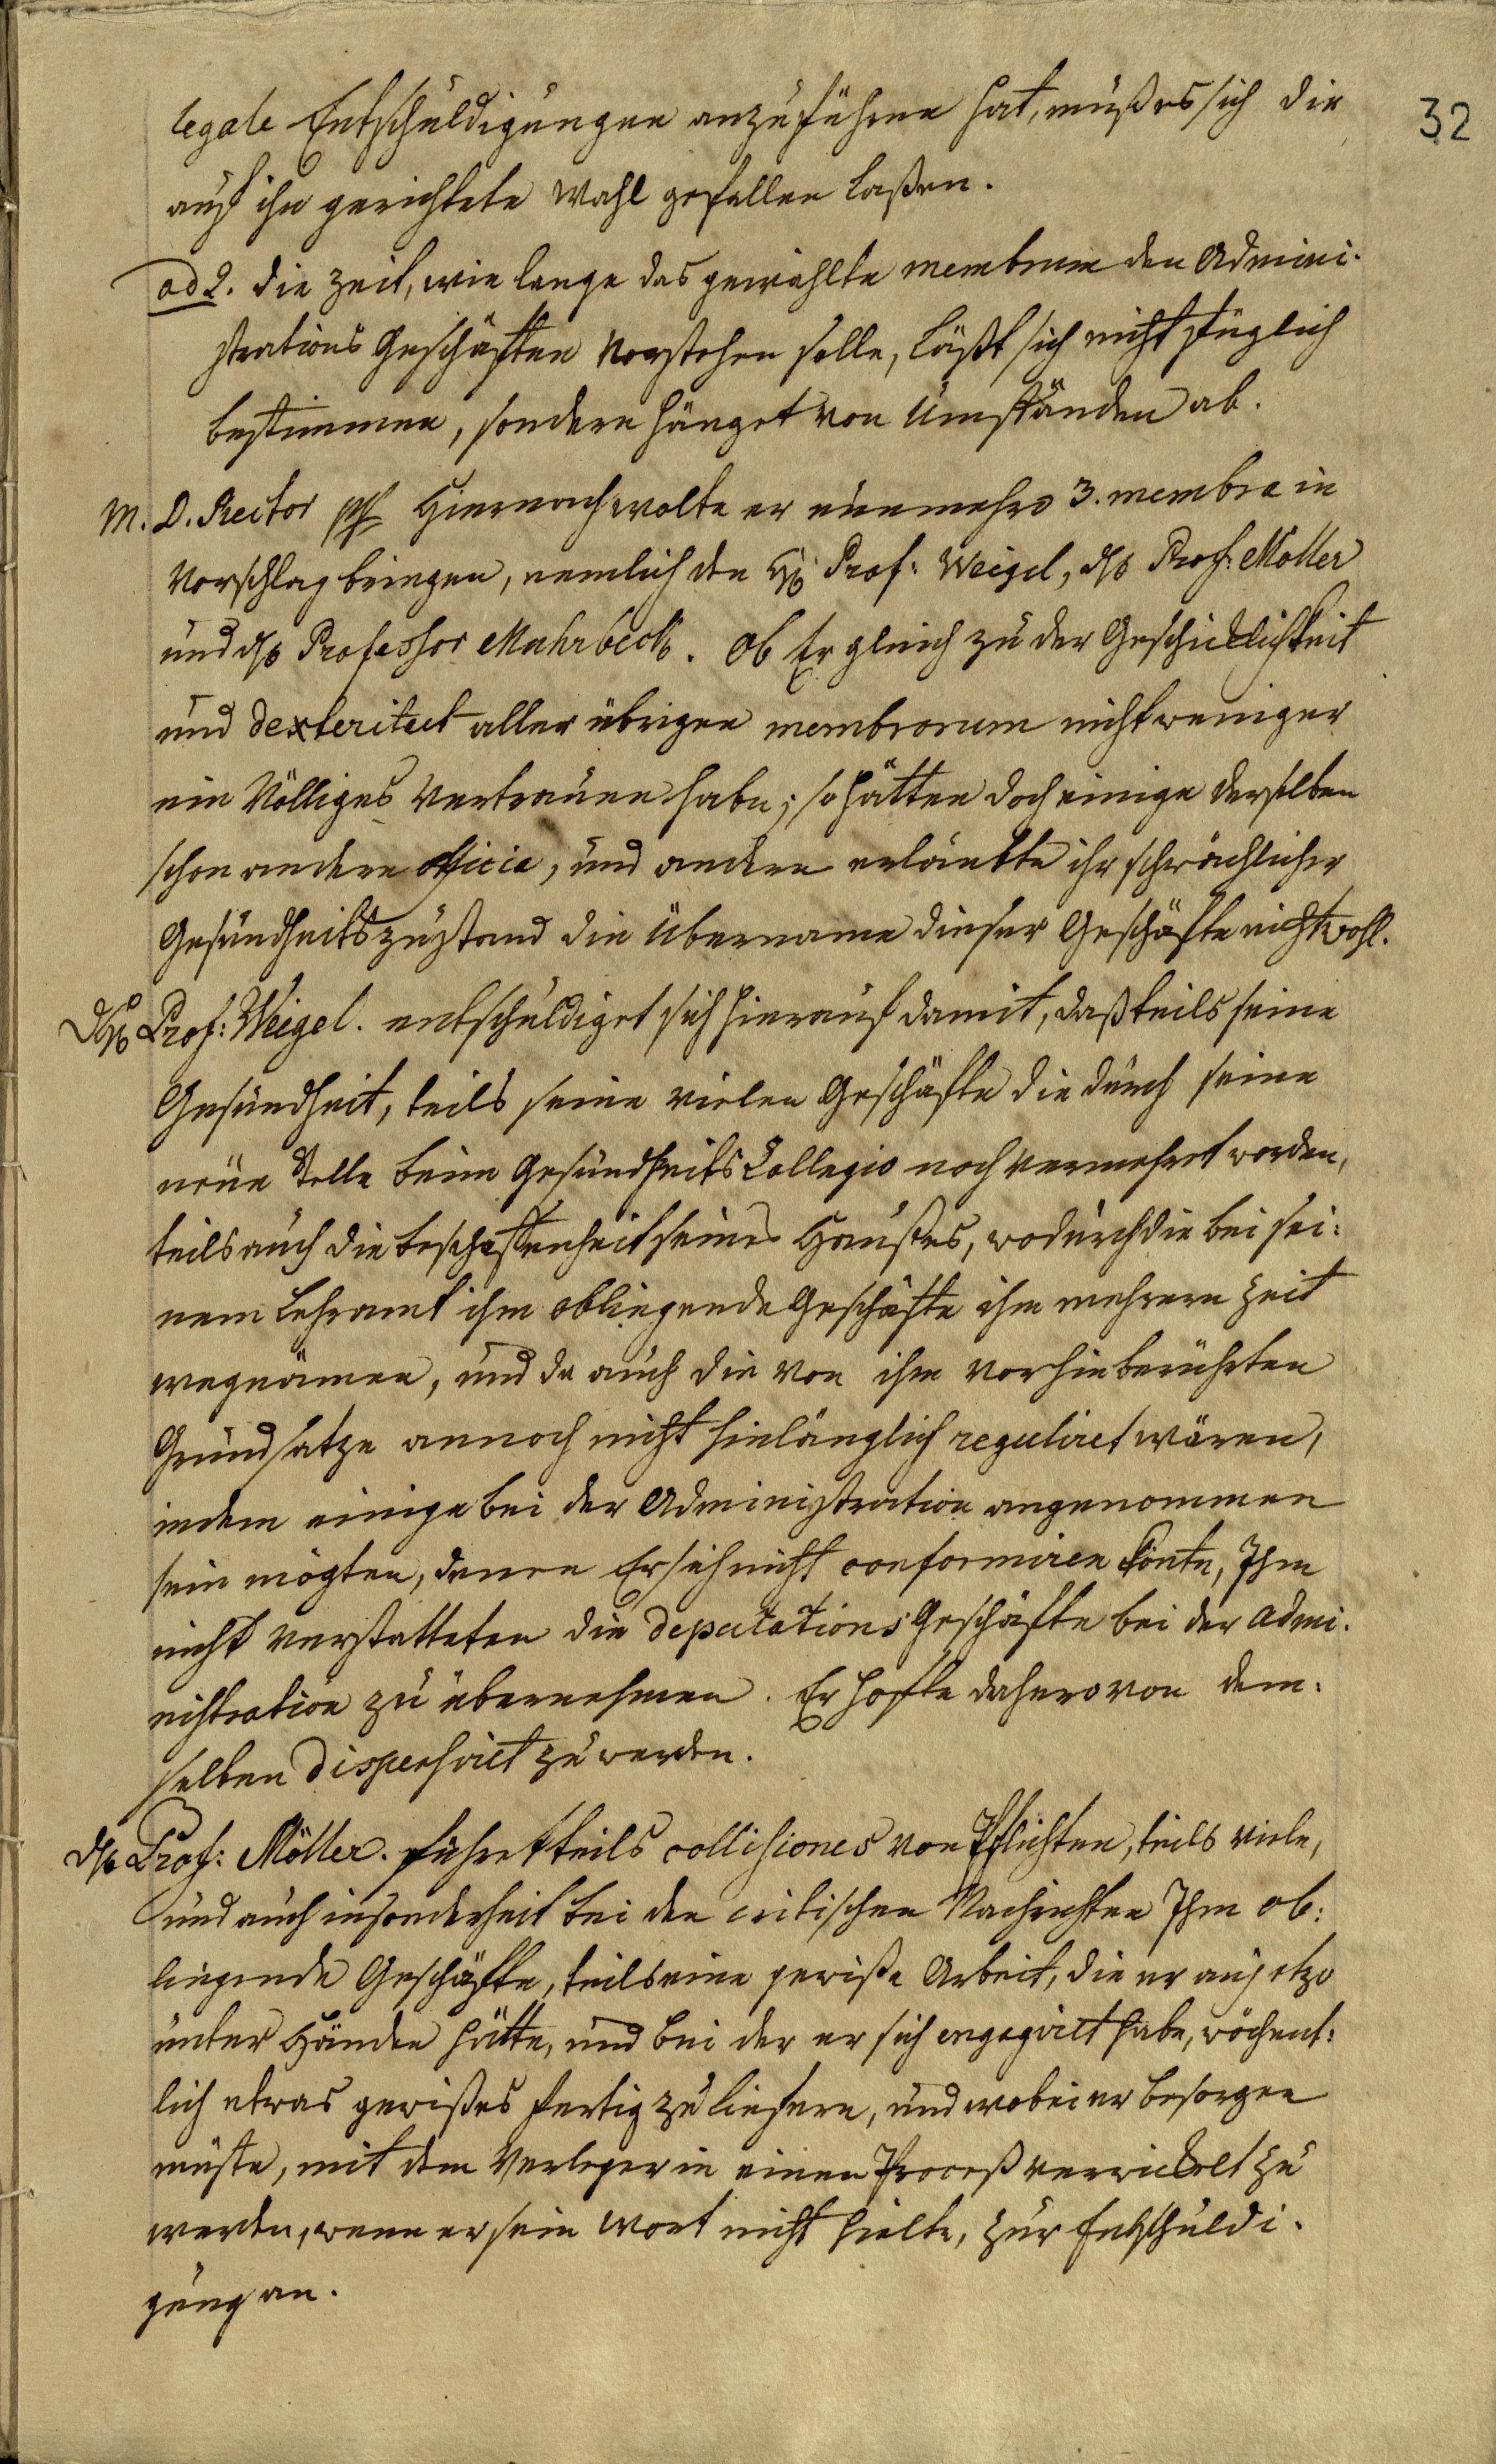legale Entschuldigungen anzuführen hat, muß er sich die
auf ihn gerichtete Wahl gefallen laßen.
ad. 2. die Zeit, wie lange das gewählte membrum den Admini¬
strations Geschäften vorstehen solle, länßt sich nicht füglich
bestimmen, sondern hänget von Umständen ab.
M. D. Rector pp Hiernach wolte er nunmehro 3 membra in
Vorschlag bringen, nemlich den H Prof. Weigel, dh Prof. Möller
und dh Professor Muhrbeck. ob Er gleich zu der Geschicklichkeit
und dexteritaet aller übrigen membrorum nicht weniger
ein Völliges Vertrauen habe, so hätten doch einige derselben
schon andere officia, und andern erlaubte ihr schwächlicher
Gesundheitszustand die Übername dieser Geschäfte nichtwohl.
dh Prof Weigel. entschuldiget sich hierauf damit, daß teils seine
Gesundheit, teils seine vielen Geschäfte die durch seine
neue Stelle beim Gesundheits Collegio noch vermehret worden,
teils auch die Beschaffenheit seines Haußes, wodurch die bei sei¬
nem Lehramt ihm obliegende Geschäfte ihm mehrere Zeit
wegnämen, und da auch die von ihm vorhin berührten
Grundsatze annoch nicht hinlänglich reguliret wären,
indem einige bei der Administration angenommen
sein mögten, denen Er sich nicht conformiren könte, Ihm
nicht verstatteten die deputations Geschäfte bei der Admi¬
nistration zu übernehmen. Er hofte dahero von dem¬
selben dispensiret zu .
dh Prof. Möller. führet teils collisiones von Pflichten, teils viele,
und auch insonderheit bei den Critischen Nachrichten Ihm ob¬
liegende Geschäfte, teils eine e Arbeit, die er anjetzo
unter Händen hätte, und bei der er sich engagiret habe, wöchent¬
lich etwas gewißes fertig zu liefern, und wobei er besorgen
müßte, mit dem Verleger in einen Proceß verwickelt zu
werden, wenn er sein Wort nicht hielte, zur Entschuldi¬
gung an.